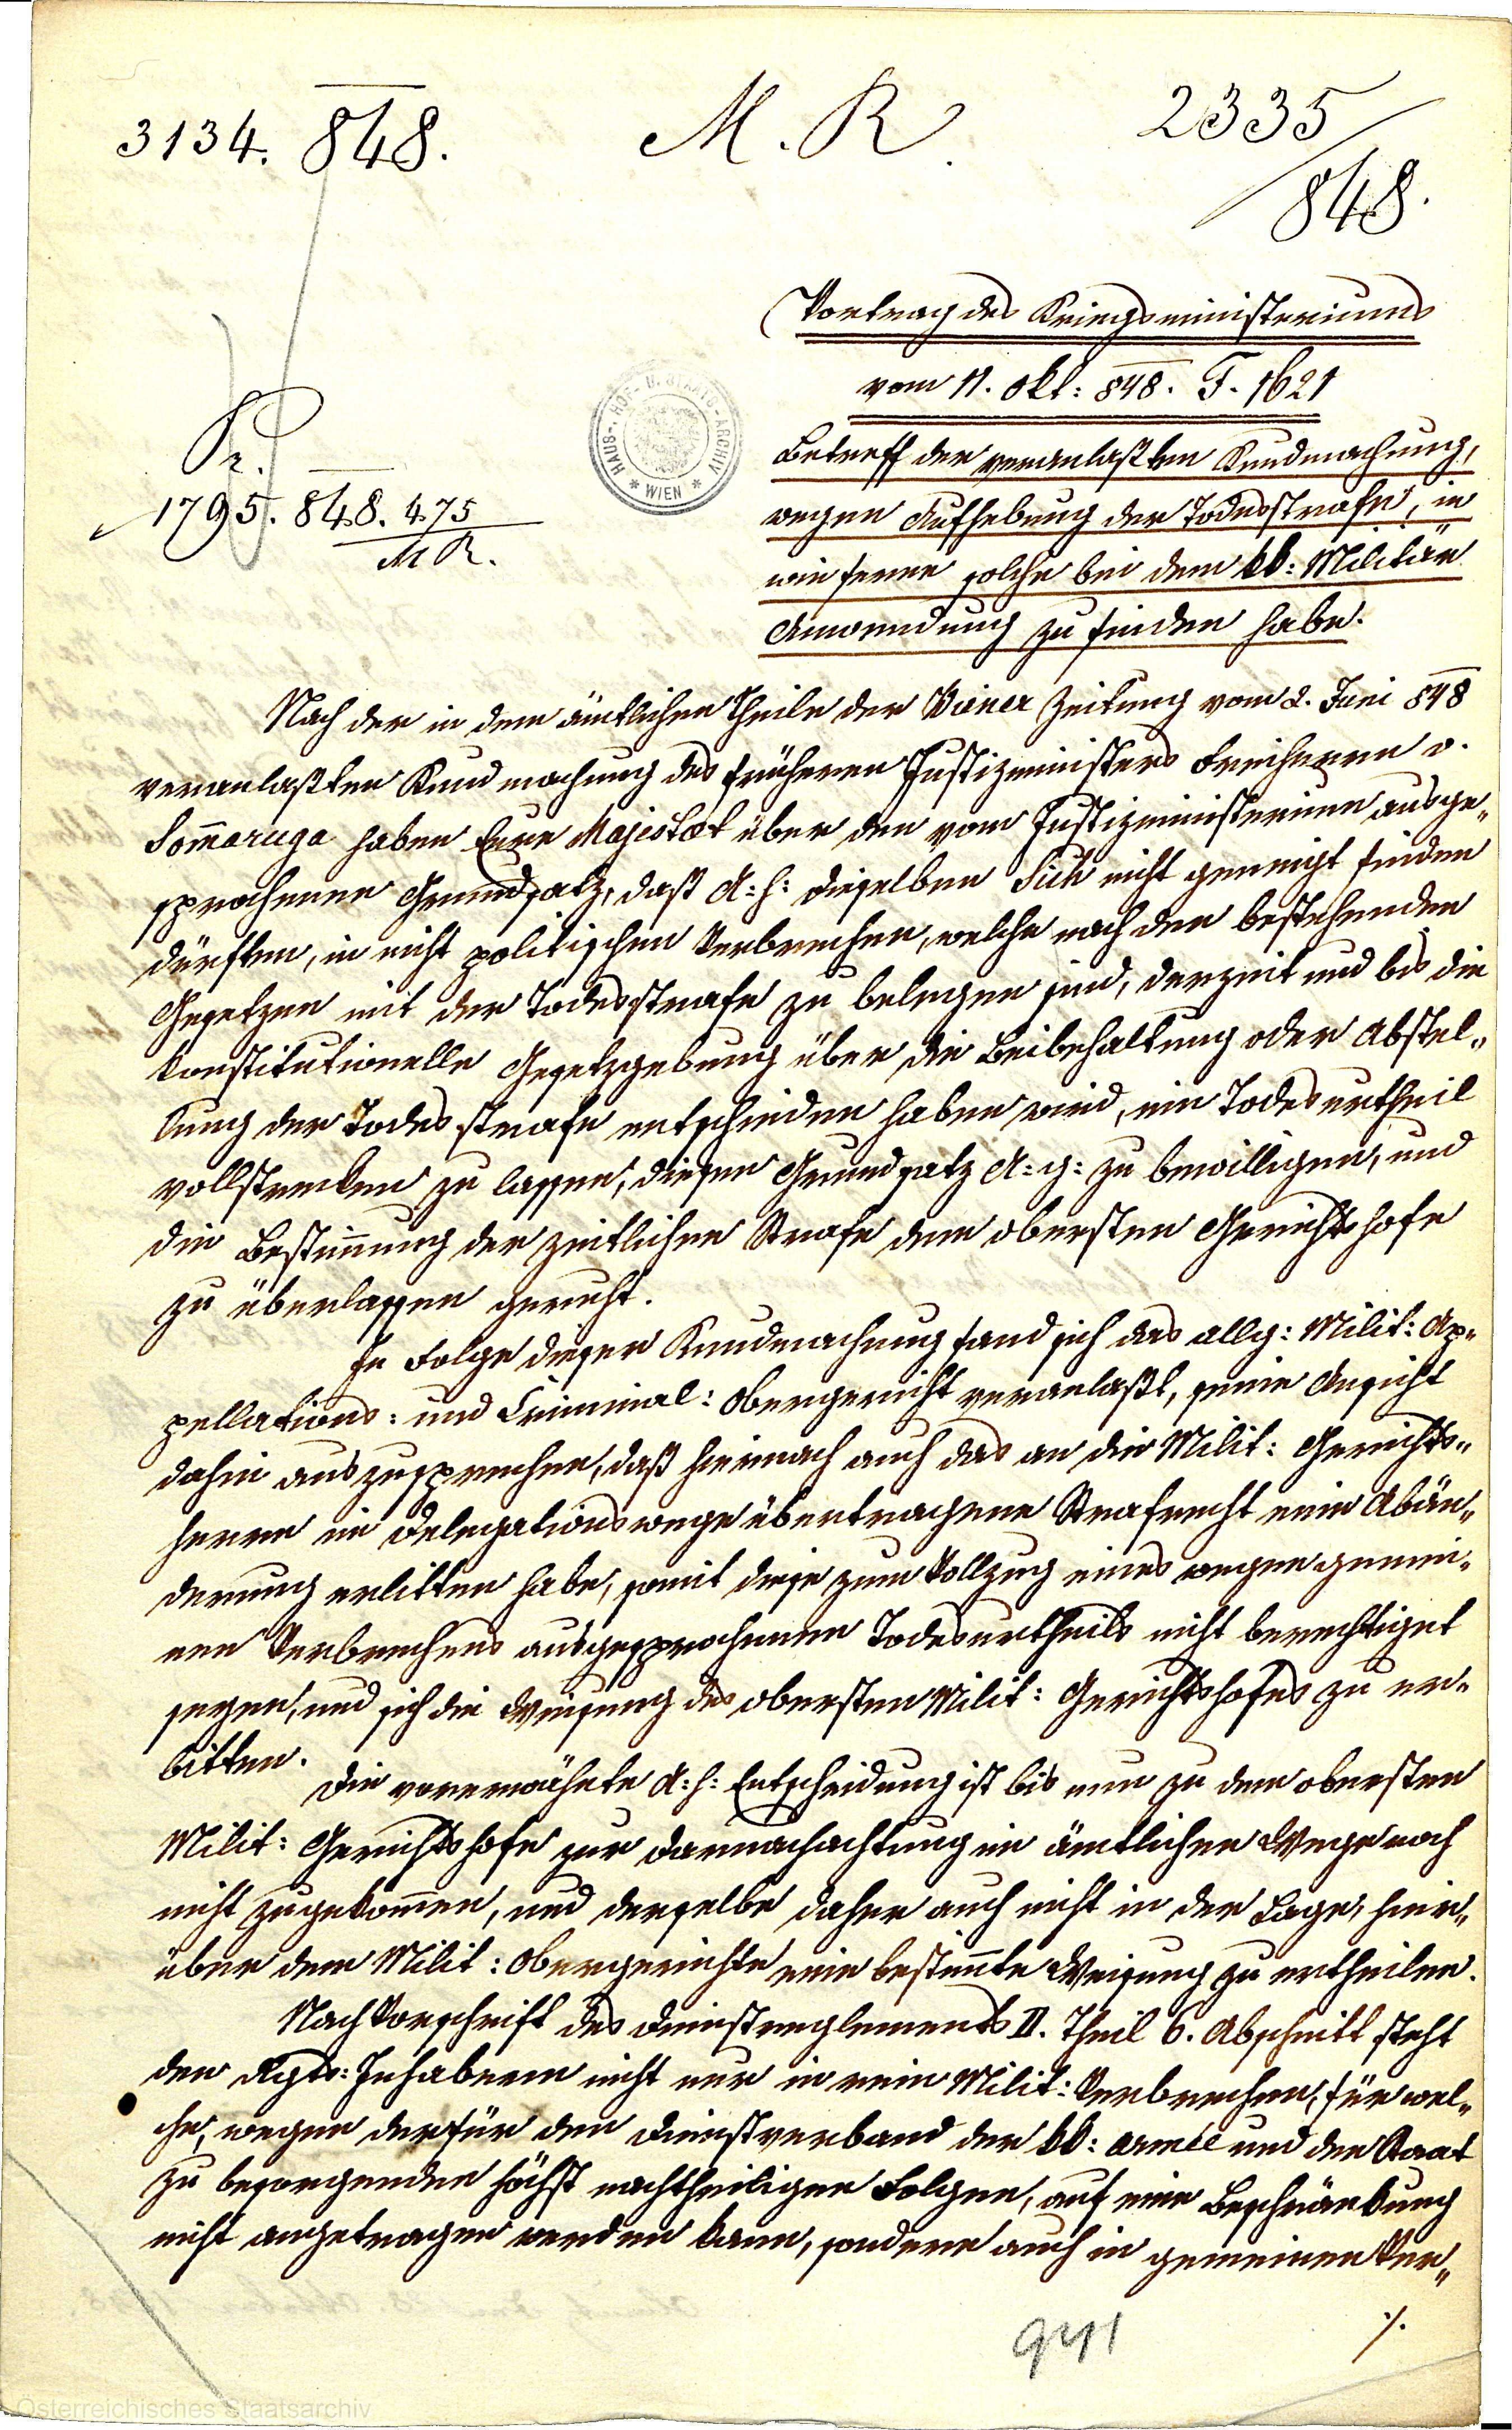3134. 848.
M. R.
2335
848.
Sr.
1795. 848. 475
M R.
Vortrag des Kriegsministeriums
vom 11. Okt: 848. F. 1621
Betreff der veranlaßten Kundmachung,
wegen Aufhebung der Todesstrafe, in
wie ferne solche bei dem kk: Militär
Anwendung zu finden habe.
Nach der in der ämtlichen Theile der Wiener Zeitung vom 2. Juni 848
veranlaßter Kundmachung des früherer Justizministers Breiherrn v.
Sommaruga haben Eure Majestæt über den vom Justizministerium ausge¬
sprochenen Grundsatz, daß A: h: dieselben Sich nicht geneigt finden
dürften, in nicht politischen Kerbrechen, welche nach den bestehenden
Gesetzen mit der Todesstrafe zu belegen sind, derzeit und bis die
konstitutionelle Gesetzgebung über die Beibehaltung oder Abstel¬
lung der Todes strafe entschieden haben wird, ein Todesurtheil
vollstrecken zu lassen, diesen Grundsatz A: g: zu bewilligen, und
die Bestimmung der zeitlichen Strafe dem obersten Gerichtshofe
zu überlassen geruht.
Je Folge dieser Kundmachung fand sich das allg: Milit: Ap¬
pellations: und Criminal: Obergericht veranlaßt, seine Ansicht
dahin auszusprechen, daß hiernach auch das an die Milit: Gerichts¬
herrn in Delegationswegeübertragene Strafrecht eine Abän¬
derung erlitten habe, somit diese zum Vollzug eines wegen gemei¬
nen Kerbrechens ausgesprochenen Todesurtheils nicht berechtiget
segne, und sich die xxxsung des obersten Milit: Gerichtshofes zu er¬
bitten.
Die vorerwähnte A: h: Entscheidung ist bis nun zu dem obersten
Milit: Gerichtshofe zur Darnachachtung im ämtlichen Wege noch
nicht zugekommen, und derselbe daher auch nicht in der Lage, hier¬
über dem Milit: Obergerichte eine bestimmte Weisung zu ertheilen.
Nach Vorschrift des Dienstreglements II. Theil 6. Abschnitt steht
den Rgts: Jnhabern nicht nur in rein Milit: Verbrechen, für wel¬
che, wegen der für den Dienstverband der kk: armte und den Staat
zu besorgenden höchst nachtheiligen Solgen, auf eine Beschränkung
nicht angetragen werden kann, sondere auch in gemeinen Ver¬
./.
941